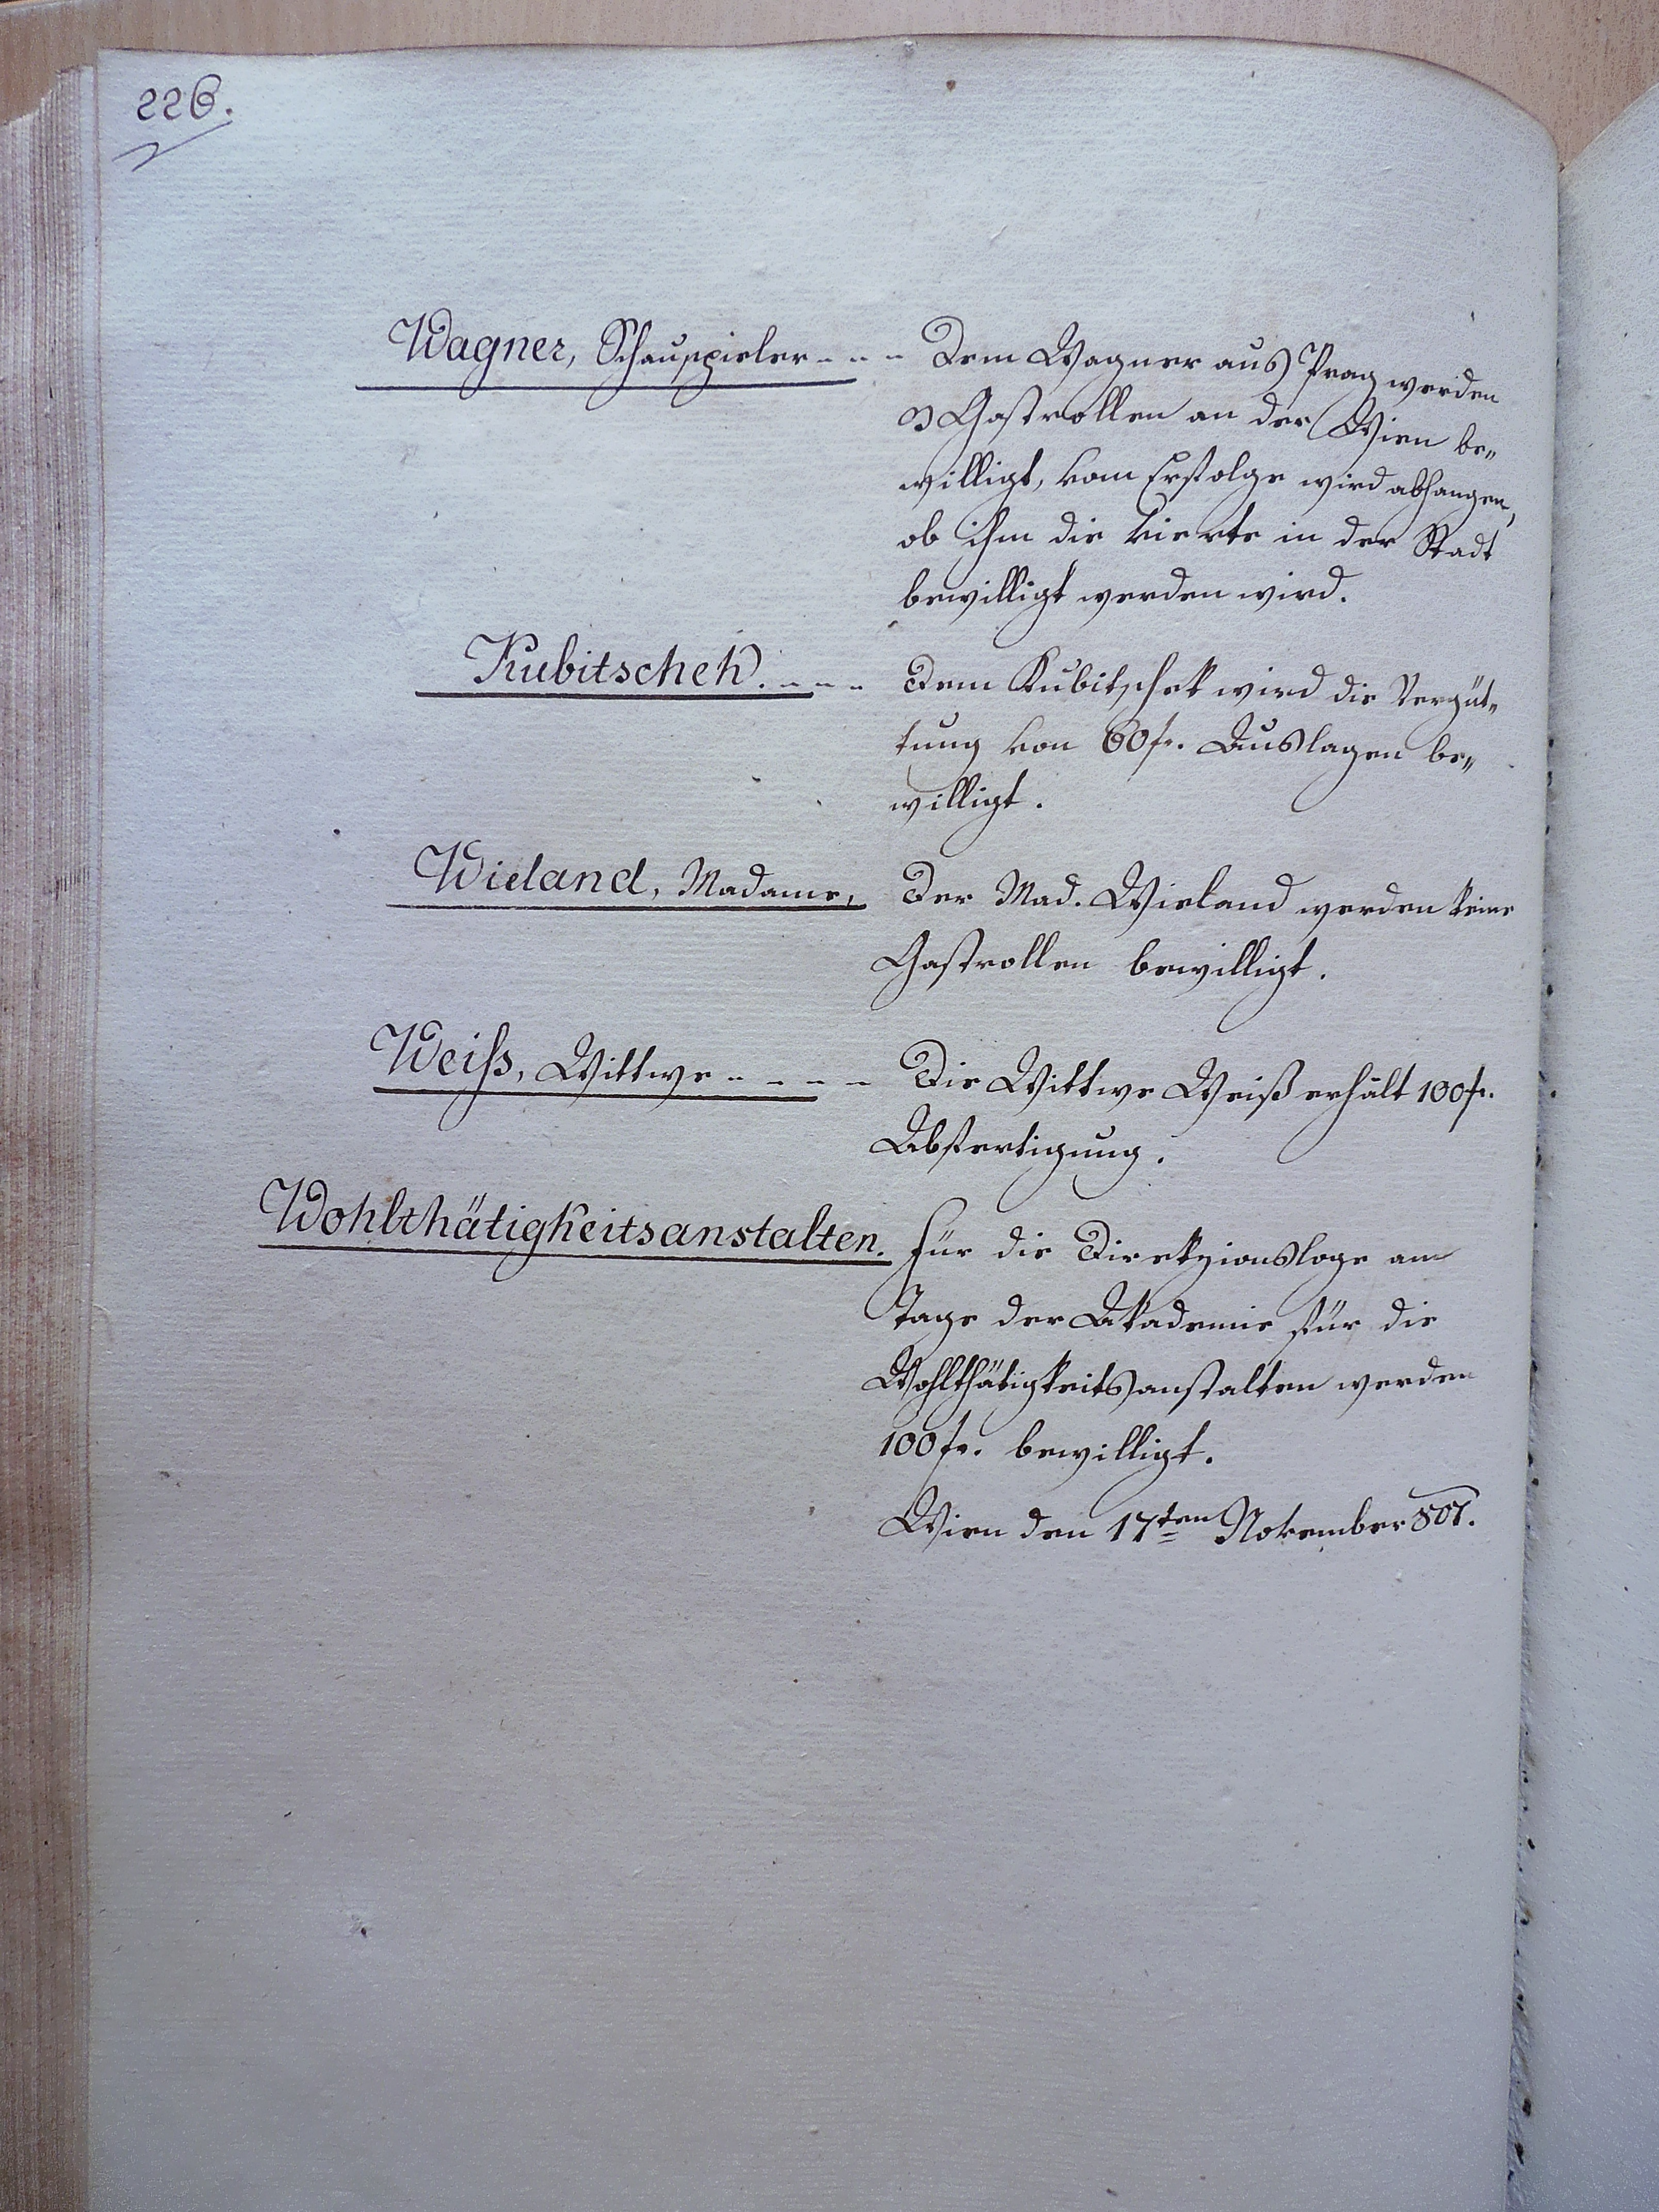226.
Wagner, Schauspieler .. .. .. Dem Wagner aus Prag werden
3 Gastrollen an der Wien be¬
willigt, vom Erfolge wird abhangen,
ob ihm die vierte in der Stadt
bewilligt werden wird.
Kubitschek. .. .. .. Dem Kubitschek wird die Vergüt¬
tung von 60fr. Auslagen be¬
willigt.
Wieland, Madame. Der Mad. Wieland werden keine
Gastrollen bewilligt.
Weiss, Wittwe .. .. .. .. Die Wittwe Weiß erhält 100fr.
Abfertigung.
Wohlthätigkeitsanstalten. Für die Direkzionsloge am
Tage der Akademie für die
Wolthätigkeitsanstalten werden
100fr. bewilligt.
Wien den 17te͇n November 8͞0͞7.